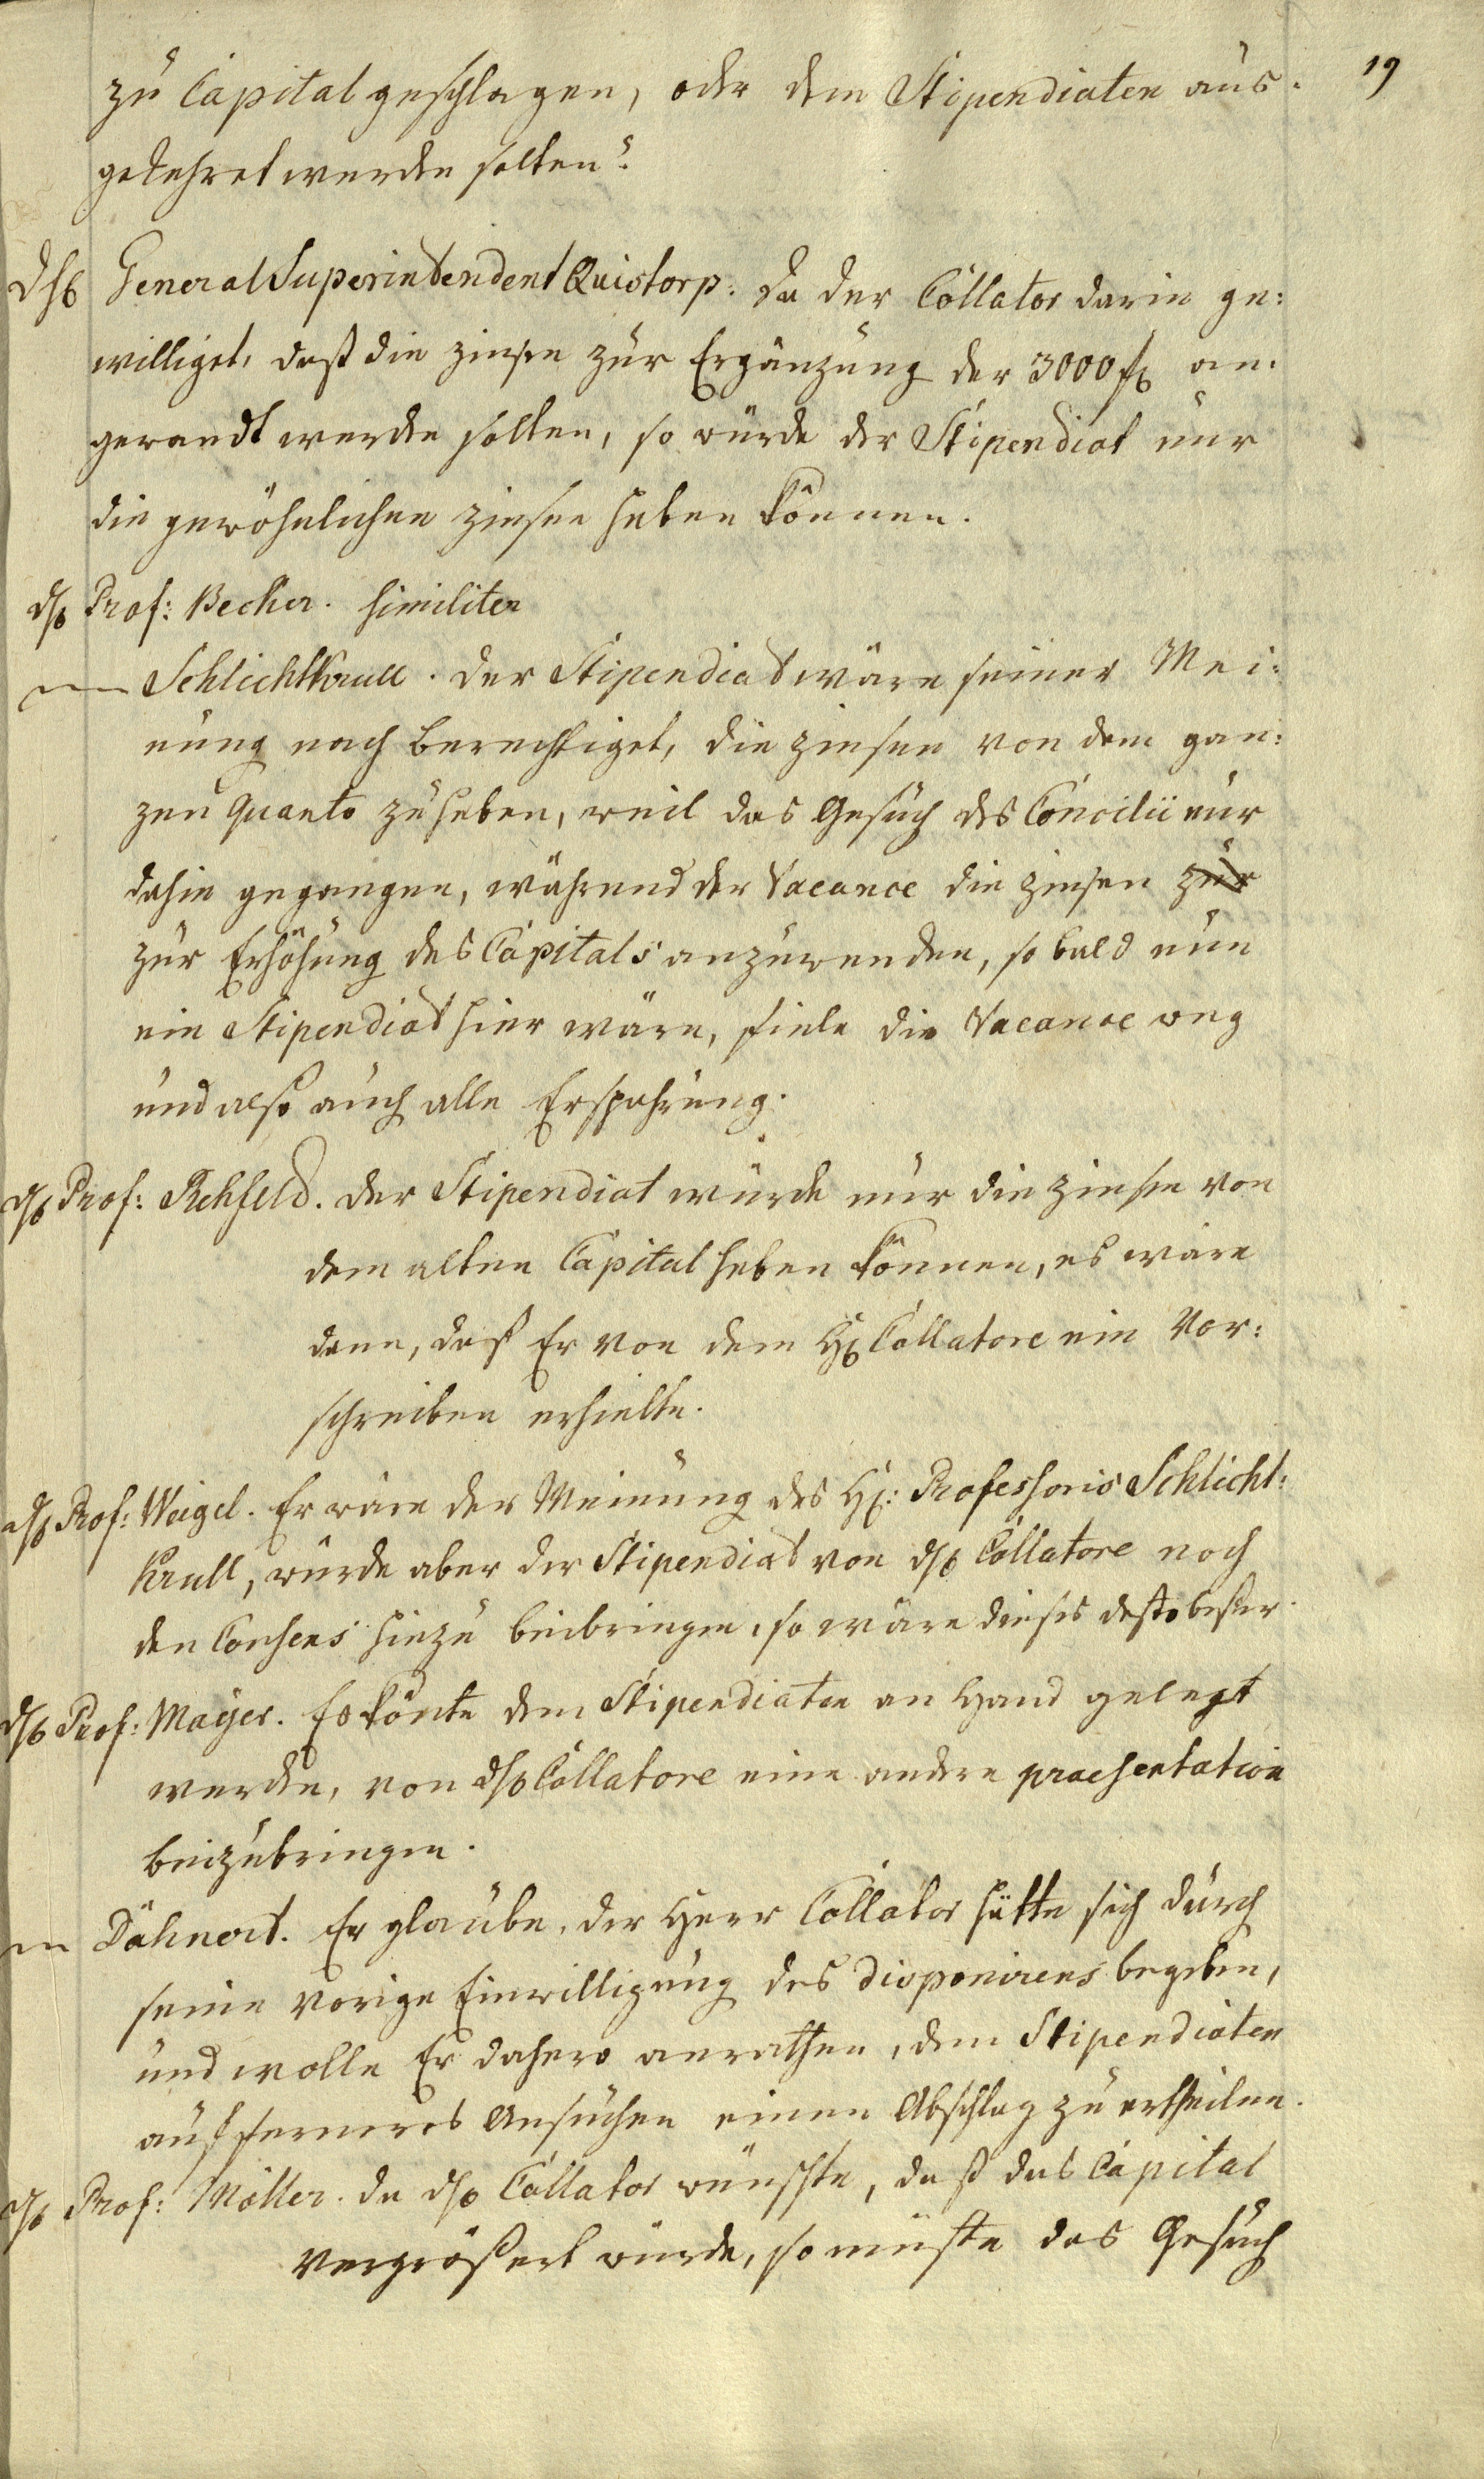zu Capital geschlagen, oder dem Stipendiaten aus¬
gekehret werden solten!
dh GeneralSuperintendent Quistorp: da der Collator darin ge¬
williget, daß die Zinsen zur Ergänzung der 3000 s an¬
gewandt werden sollen, so würde der Stipendiat nur
die gewöhnlichen Zinsen heben können.
dh Prof: Becker. similiter
Schlichtkrull: der Stipendiat wäre seiner Mei¬
nung nach berechtiget, die zinsen von dem gan¬
zen Quanto zu heben, weil das Gesuch des Concilii nur
dahin gegangen, während der Vacance die zinsen zur
zur Erhöhung des Capitals anzuwenden, so bald nun
ein Stipendiat hier wäre, fiele die Vacance weg
und also auch alle Erspahrung.
dh Prof: Rehfeld. der Stipendiat würde nur die Zinsen von
dem alten Capital heben können, es wäre
denn, daß Er von dem H Collatore ein Vor¬
schreiben erhielte.
dh Prof: Weigel. Er wäre der Meinung des H Professoris Schlicht¬
krull, würde aber der Stipendiat von dh Collatore noch
den Consens hiezu beibringen, so wäre dieses desto beßer.
dh Prof: Maÿer. Es könte dem Stipendiaten an Hand gelegt
werden, von dh Collatore eine andere praesentation
beizubringen.
Dähnert. Er glaube, der Herr Collator hätte sich durch
seine vorige Einwilligung des disponirens begeben,
und wolle Er daher anrathen, dem Stipendiaten
auf ferneres Ansuchen einen Abschlag zu ertheilen.
dh Prof: Möller. da dh Collator wünschte, daß das Capital
vergrößert würde, so müßte das Gesuch